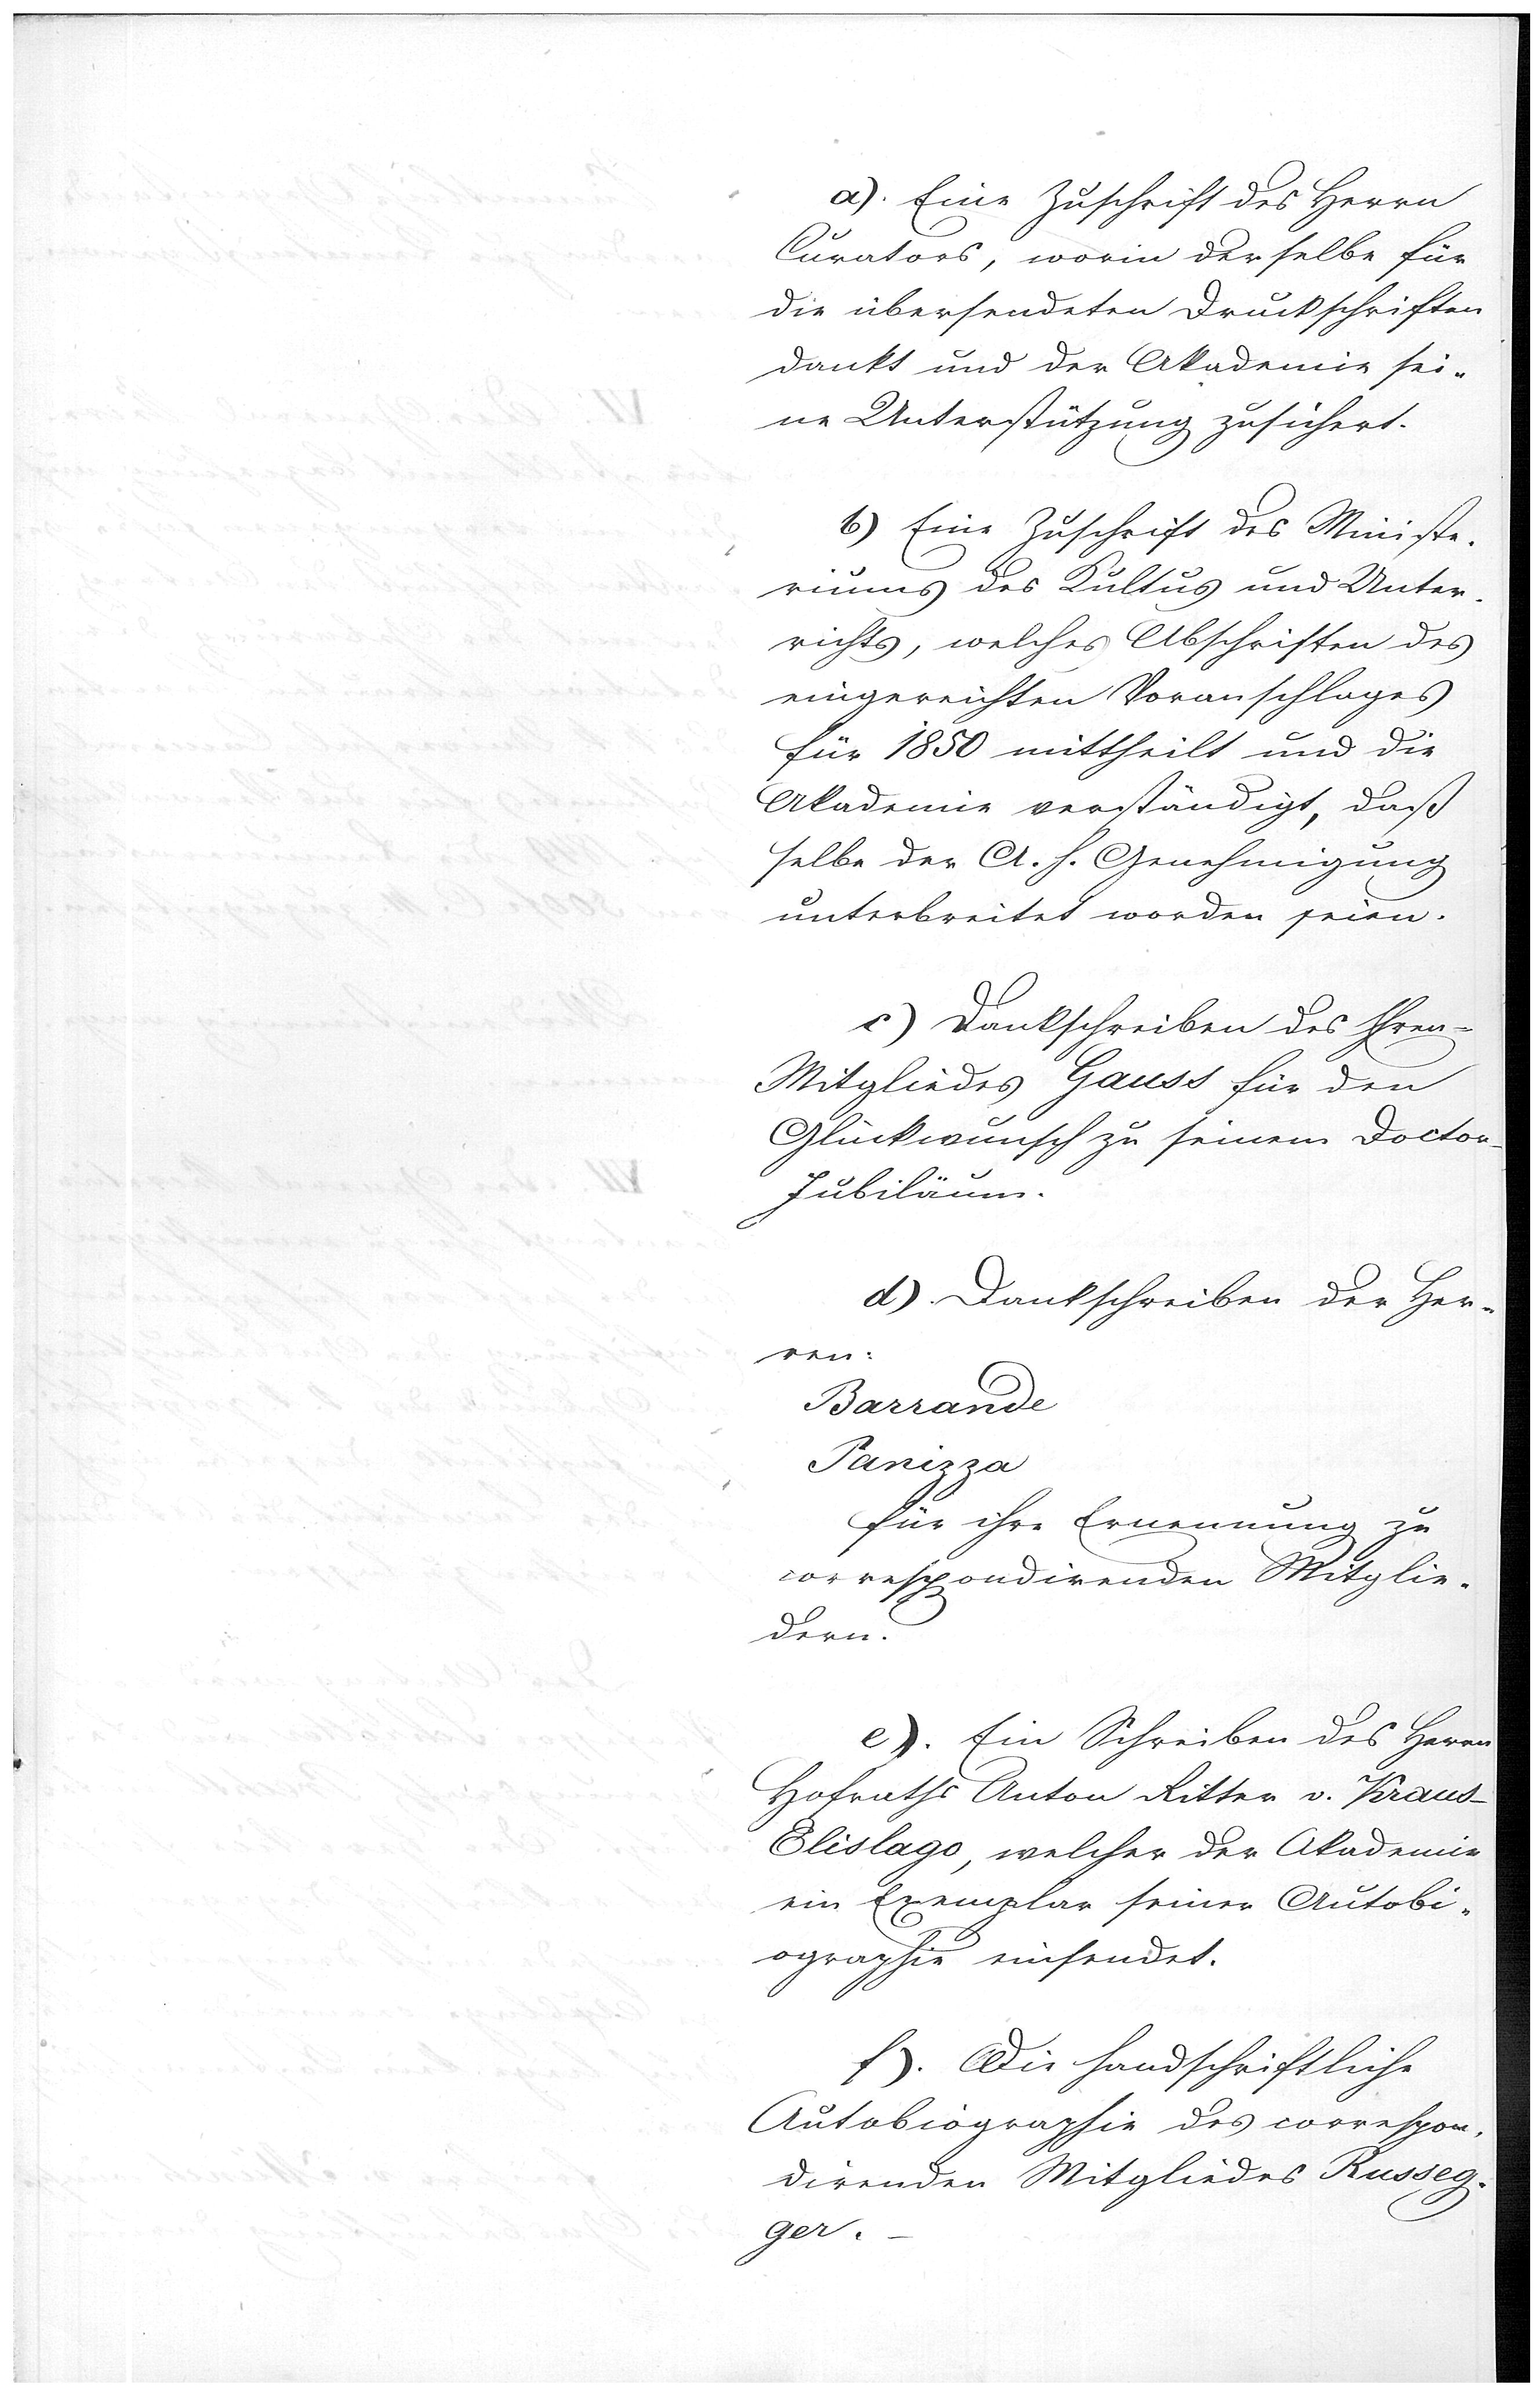a) Eine Zuschrift des Herrn
Curators, worin derselbe für
die übersendeten Druckschriften
dankt und der Akademie sei-
ne Unterstützung zusichert.
b) Eine Zuschrift des Ministe-
riums des Kultus und Unter-
richts, welches Abschriften des
eingereichten Voranschlages
für 1850 mittheilt und die
Akademie verständigt, daß
selbe der A.h. Genehmigung
unterbreitet worden seien.
c) Dankschreiben des Ehren-
Mitgliedes Gauss für den
Glückwunsch zu seinem Doctor-
Jubiläum.
d) Dankschreiben der Her-
ren:
Barrande
Panizza
für ihre Ernennung zu
correspondirenden Mitglie-
dern.
e). Ein Schreiben des Herrn
Hofraths Anton Ritter v. Kraus-
Elislago, welcher der Akademie
ein Exemplar seiner Autobi-
ographie einsendet.
f). Die handschriftliche
Autobiographie des correspon-
direnden Mitgliedes Russeg-
ger.